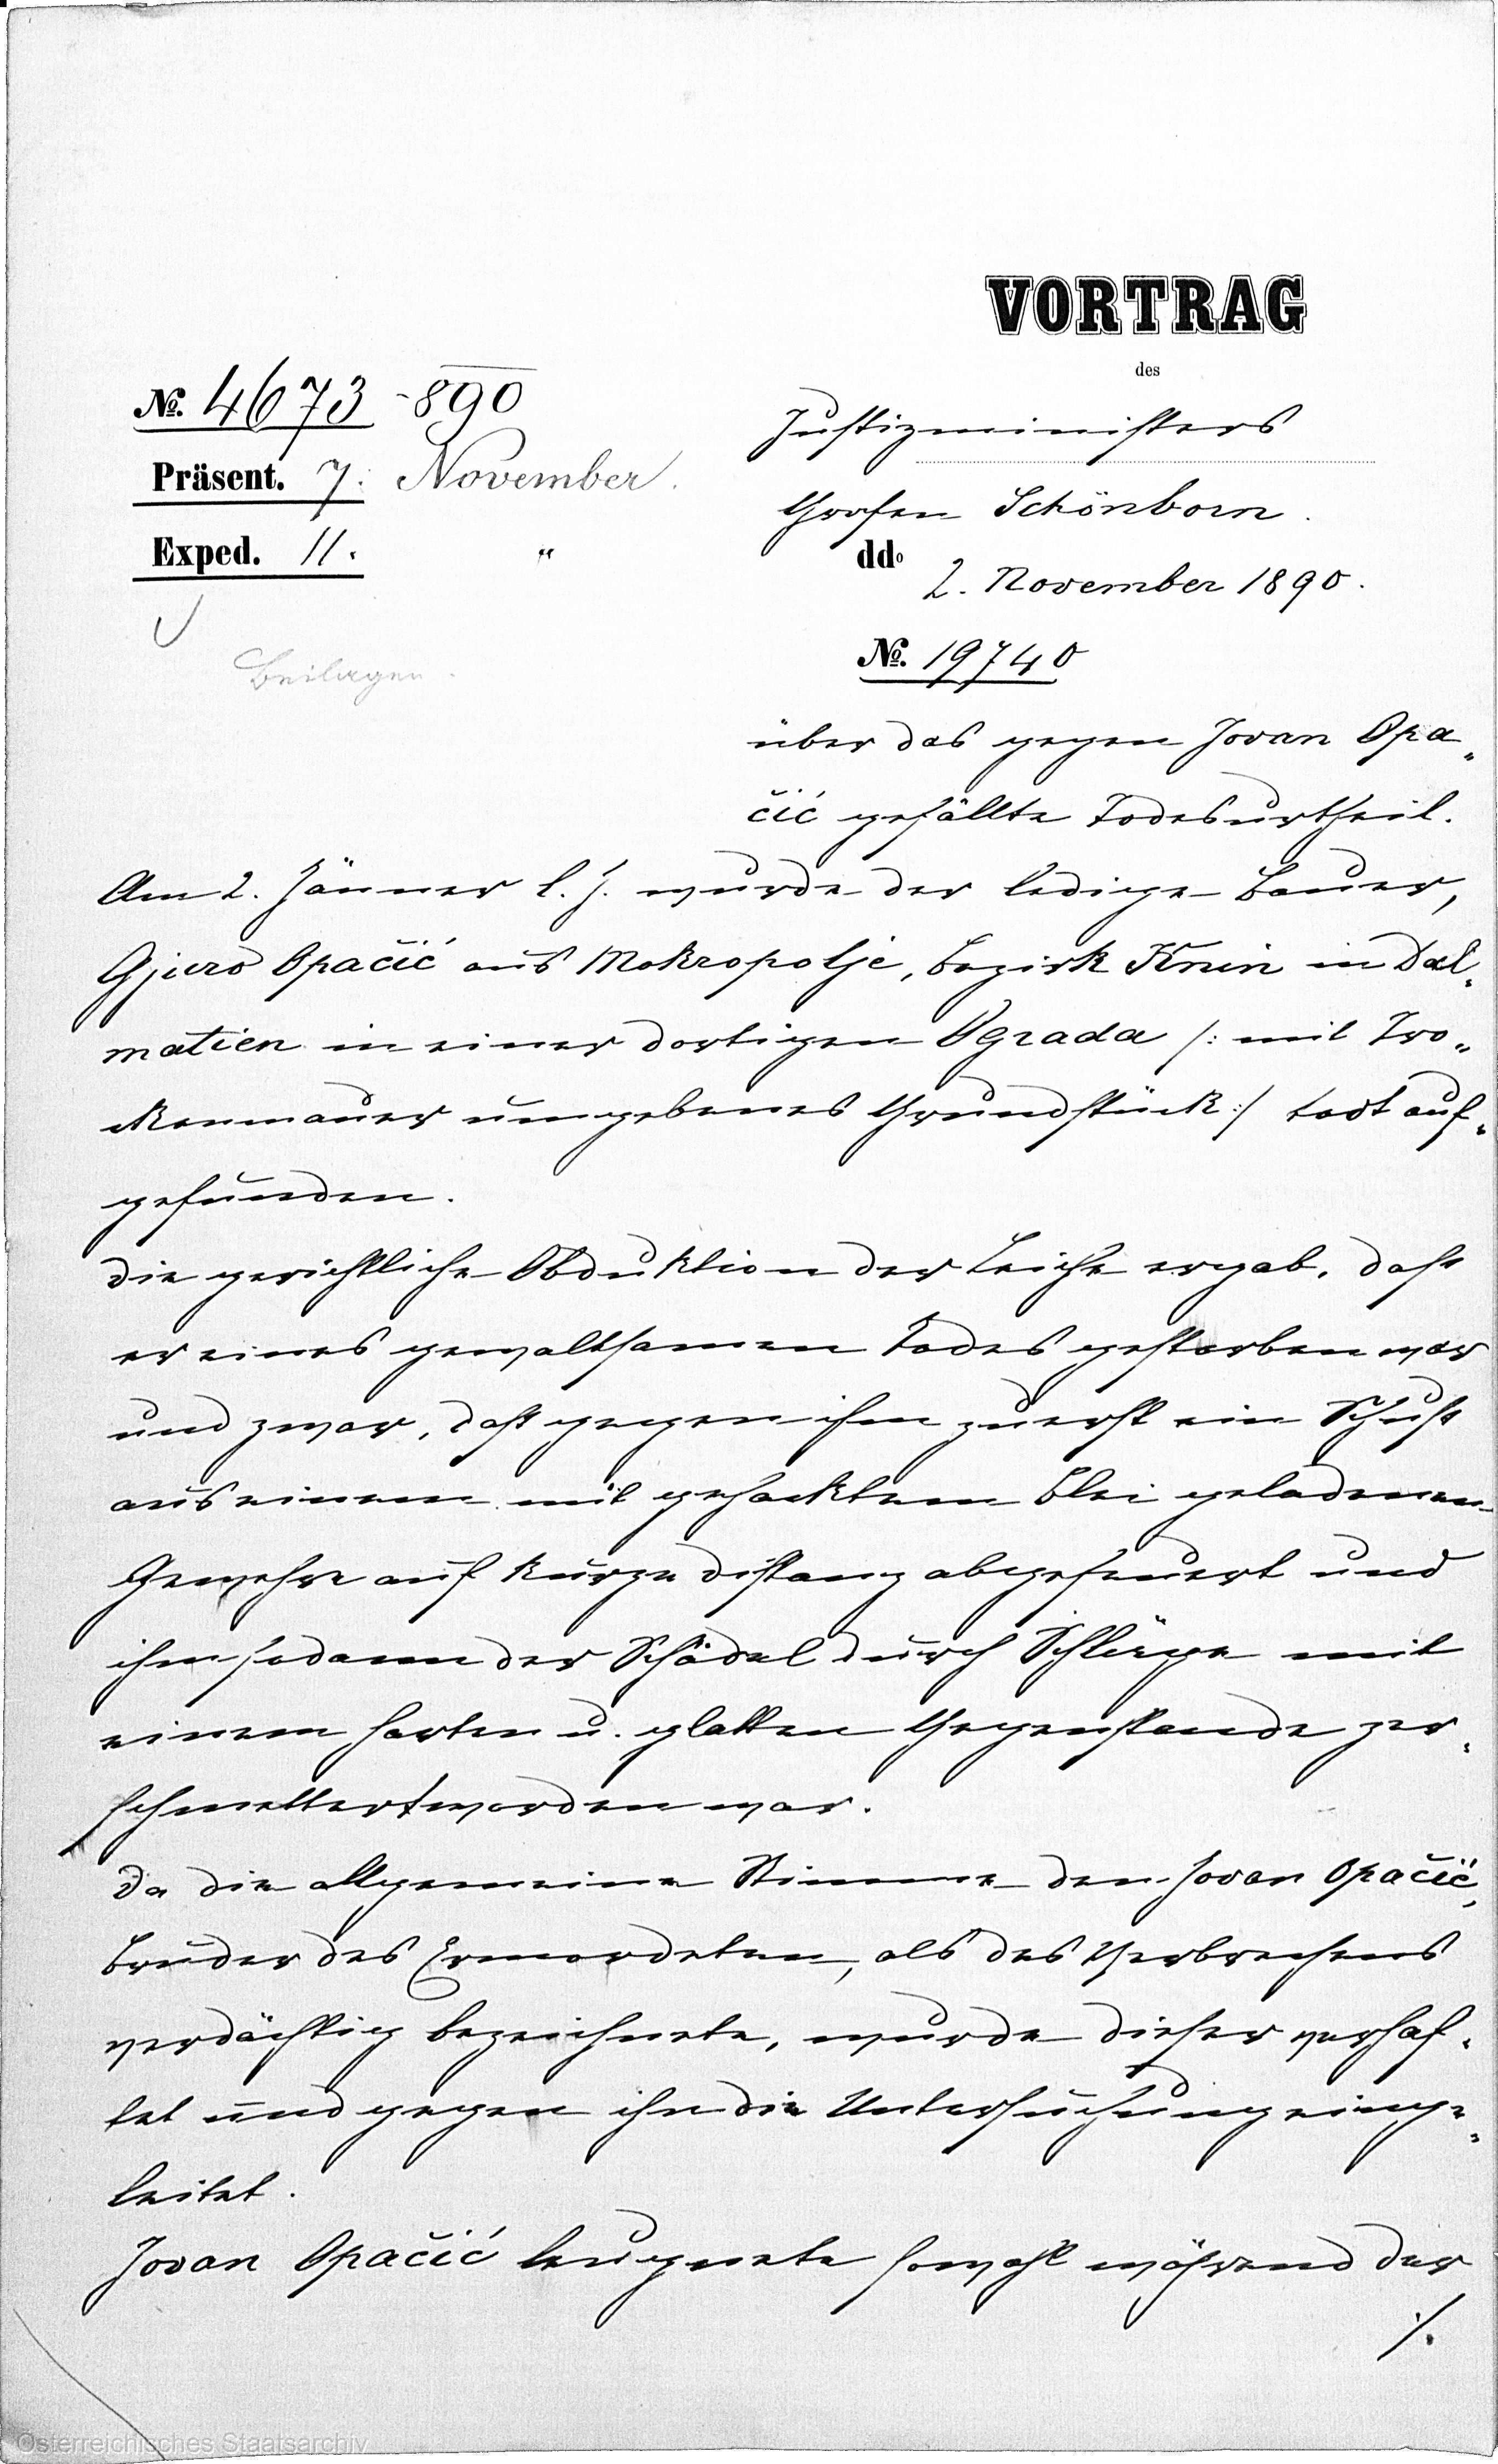No. 4673 - 890
Präsent. 7. November.
Exped. 11. November.
Beilagen.
Vortrag
des
Justizministers
Grafen Schönborn.
ddo 2. November 1890
No. 19740
über das gegen Jovan Opa¬
čić gefällte Todesurtheil.
Am 2. Jänner l.J. wurde der ledige Bauer,
Gjuro Opačić aus Mokespolje, Bezirk Knin in Dal¬
matien in einer dortigen Ograda /: mit Tro¬
ckenmauer umgebenes Grundstück :/ todt auf¬
gefunden.
Die gerichtliche Obduktion der Leiche ergab, daß
er eines gewahlsamen Todes gestorben war
und zwar, daß gegen ihm zuerst ein Schuß
aus einem mit gehacktem Blei geladenen-
Gewehre auf kurze Distanz abgeheuert und
ihm sodann der Schädel durch Schläge mit
einem harten u. glatten Gegenstande zer¬
schmettert worden war.
Da die allgemeine Stimme den Jovan Opačić,
Bruder des Ermordeten, als des Verbrechens
verdächtig bezeichnete, wurde dieser verhaf¬
tet und gegen ihn die Untersuchung einge¬
leitet.
Jovan Opačić leugnete sowahl wöhrend der